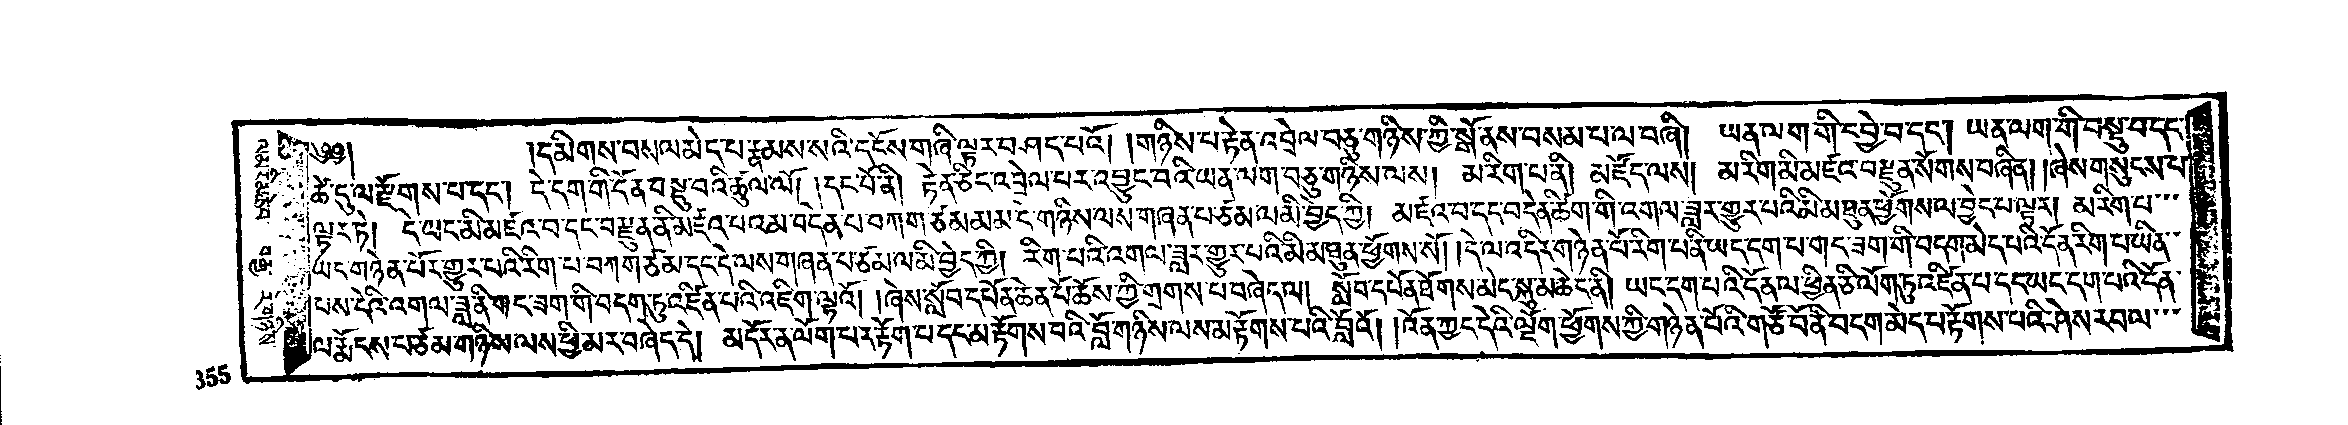༄༅། །དམིགས་བསལ་མེད་པ་རྣམས་སའི་དངོས་གཞི་ལྟར་བཤད་པའོ། །གཉིས་པ་རྟེན་འབྲེལ་བཅུ་གཉིས་ཀྱི་སྒོ་ནས་བསམ་པ་ལ་བཞི། ཡན་ལག་གི་དབྱེ་བ་དང་། ཡན་ལག་གི་བསྡུ་བ་དང་
ཚེ་དུ་ལ་རྫོགས་པ་དང་། དེ་དག་གི་དོན་བསྡུ་བའི་ཚུལ་ལོ། །དང་པོ་ནི། རྟེན་ཅིང་འབྲེལ་པར་འབྱུང་བའི་ཡན་ལག་བཅུ་གཉིས་ལས། མ་རིག་པ་ནི། མཛོད་ལས། མ་རིག་མི་མཛའ་བརྫུན་སོགས་བཞིན། །ཞེས་གསུངས་པ་
ལྟར་ཏེ། དེ་ཡང་མི་མཛའ་བ་དང་བརྫུན་ནི་མཛའ་བའམ་བདེན་པ་བཀག་ཙམ་མམ་དེ་གཉིས་ལས་གཞན་པ་ཙམ་ལ་མི་བྱེད་ཀྱི། མཛའ་བ་དང་བདེན་ཚིག་གི་འགལ་ཟླར་གྱུར་པའི་མི་མཐུན་ཕྱོགས་ལ་བྱེད་པ་ལྟར། མ་རིག་པ་
ཡང་གཉེན་པོར་གྱུར་པའི་རིག་པ་བཀག་ཙམ་དང་དེ་ལས་གཞན་པ་ཙམ་ལ་མི་བྱེད་ཀྱི། རིག་པའི་འགལ་ཟླར་གྱུར་པའི་མི་མཐུན་ཕྱོགས་སོ། །དེ་ལ་འདིར་གཉེན་པོ་རིག་པ་ནི་ཡང་དག་པ་གང་ཟག་གི་བདག་མེད་པའི་དོན་རིག་པ་ཡིན་
པས་དེའི་འགལ་ཟླ་ནི་གང་ཟག་གི་བདག་ཏུ་འཛིན་པའི་འཇིག་ལྟའོ། །ཞེས་སློབ་དཔོན་ཆེན་པོ་ཆོས་ཀྱི་གྲགས་པ་བཞེད་ལ། སློབ་དཔོན་ཐོགས་མེད་སྐུ་མཆེད་ནི། ཡང་དག་པའི་དོན་ལ་ཕྱིན་ཅི་ལོག་ཏུ་འཛིན་པ་དང་ཡང་དག་པའི་དོན་
ལ་རྨོངས་པ་ཙམ་གཉིས་ལས་ཕྱི་མར་བཞེད་དེ། མདོར་ན་ལོག་པར་རྟོག་པ་དང་མ་རྟོགས་པའི་བློ་གཉིས་ལས་མ་རྟོགས་པའི་བློའོ། །འོན་ཀྱང་དེའི་ལྡོག་ཕྱོགས་ཀྱི་གཉེན་པོའི་གཙོ་བོ་ནི་བདག་མེད་པ་རྟོགས་པའི་ཤེས་རབ་ལ་